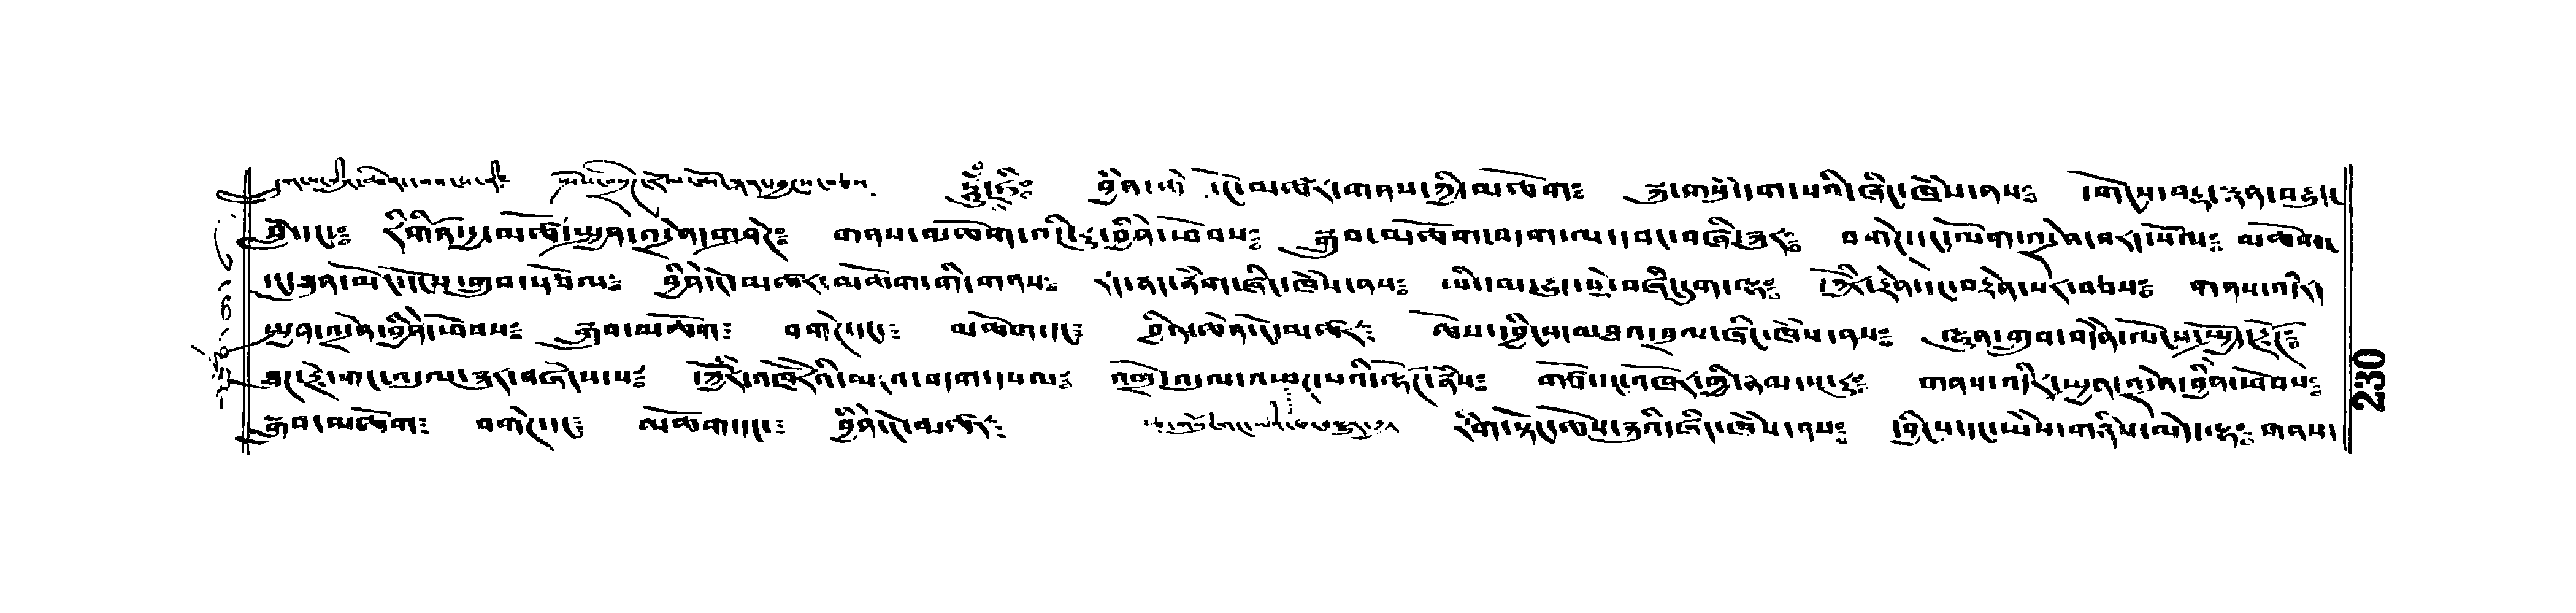དྲུག་པ་བྱིན་ཆེན་དབབ་པ་ནི༔ སྤོས་བསྲེགས་རོལ་མོ་སྙན་དབྱངས་བཅས། ཧཱུྃ་ཧྲཱིཿ བྱིན་ཆེན་ངོ་མཚར་གནས་ཀྱི་མཆོག༔ སྐུ་གསུམ་དག་པའི་ཞིང་ཁམས་ནས༔ དགོངས་བརྡ་སྙན་བརྒྱུད་
བླ་མ་དང༔ རིག་འཛིན་རྒྱ་མཚོ་སྤྱན་འདྲེན་གཤེགས༔ གནས་མཆོག་འདི་རུ་བྱིན་ཆེན་ཕོབས༔ སྒྲུབ་མཆོག་བདག་ལ་དབང་བཞི་སྐུར༔ བགེགས་དང་ལོག་འདྲེན་བར་ཆད་སོལ༔ མཆོག་
དང་ཐུན་མོང་དངོས་གྲུབ་སྩོལ༔ བྱིན་ཆེན་ངོ་མཚར་མཆོག་གི་གནས༔ རང་སྣང་རྣམ་དག་ཞིང་ཁམས་ནས༔ ཡི་དམ་རྒྱུད་སྡེ་བཞི་དྲུག་ལྷ༔ དཀྱིལ་འཁོར་རྟེན་དང་བརྟེན་པར་བཅས༔ གནས་འདིར་
སྤྱན་འདྲེན་བྱིན་ཆེན་ཕོབས༔ སྒྲུབ་མཆོག༴ བགེགས་དང༴ མཆོག་དང༴ བྱིན་ཆེན་ངོ་མཚར༴ ཆོས་དབྱིངས་མཐའ་བྲལ་ཞིང་ཁམས་ནས༔ ལྷུན་གྲུབ་བདེ་ཆེན་ལོངས་སྤྱོད་རྫོགས༔ 
ཐུགས་རྗེ་གང་འདུལ་སྐུར་བཞེངས་པ༔ དཀྱིལ་འཁོར་འཁོར་ལོའི་མངའ་བདག་དཔལ༔ འགྲོ་འདུལ་འཕགས་པའི་ལྷ་ཚོགས་རྣམས་རྩ་གསུམ་གང་ཡིན་ཁ་བསྡུར་བྱ། མཆན། གཙོ་དང་འཁོར་གྱི་རྣམ་པ་རུ༔ གནས་འདིར་སྤྱན་འདྲེན་བྱིན་ཆེན་ཕོབས༔ 
སྒྲུབ་མཆོག༴ བགེགས་དང༴ མཆོག་དང༴ བྱིན་ཆེན་ངོ་མཚར༴ རིག་སྟོང་ཆོས་སྐུའི་ཞིང་ཁམས་ནས༔ དབྱིངས་དང་ཡེ་ཤེས་གཉིས་མེད་ལྷ༔ གནས་